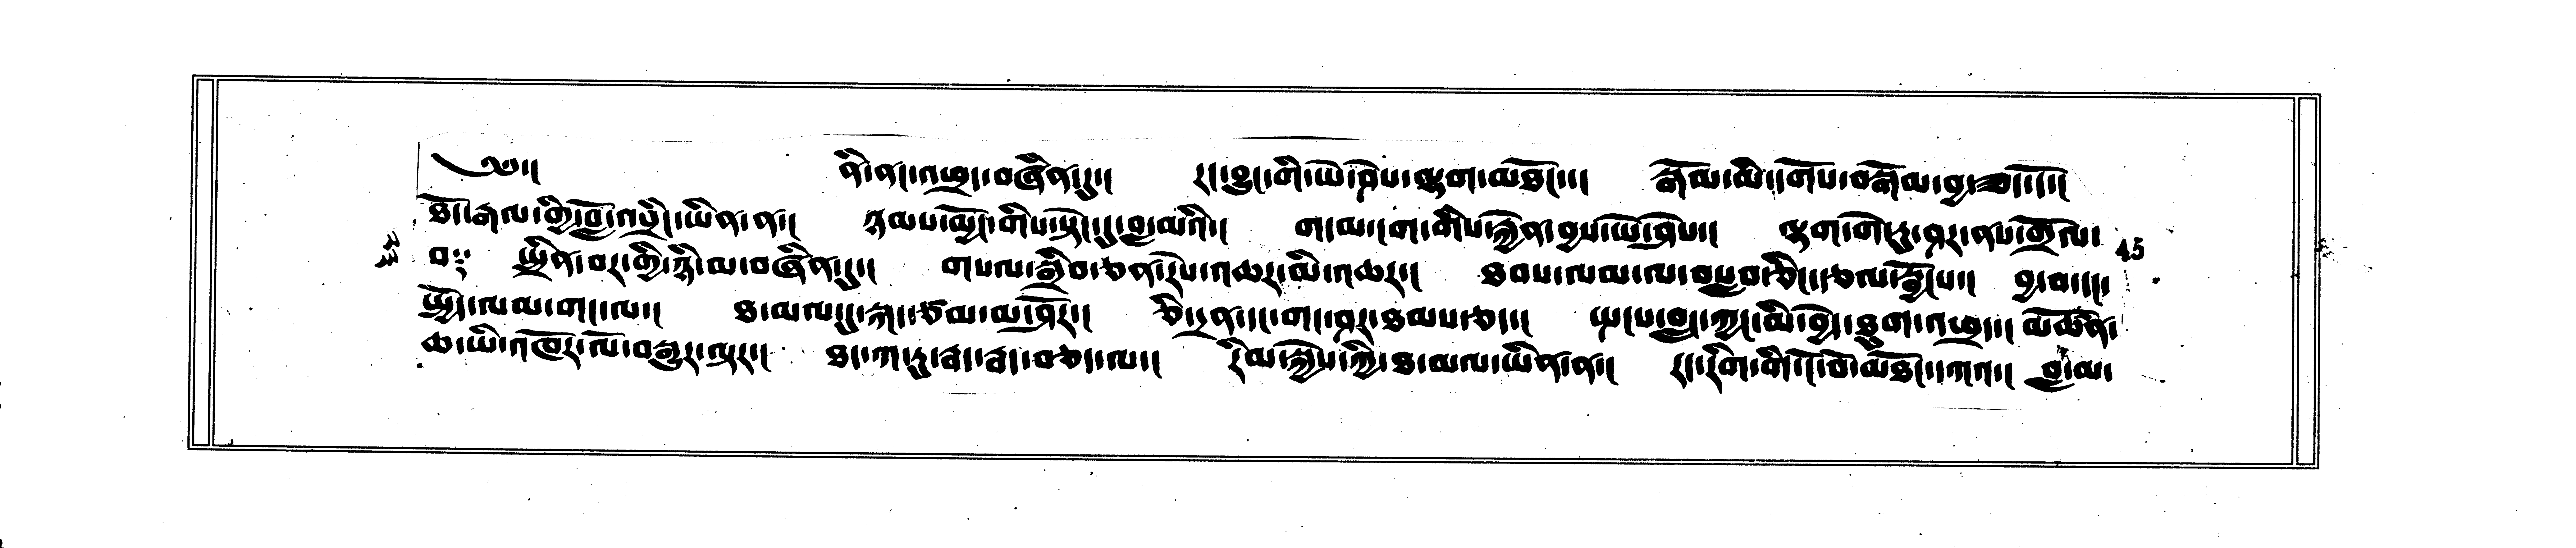ནི་ནང་འཕྲད་བཞིན་དུ། །རང་བྱུང་གི་ཡེ་ཤེས་ལྷག་མཐོང་། །བསྒོམ་མི་དགོས་བསྒོམ་བྱ་ཟད་དོ། 
།ཐོད་རྒལ་གྱི་བློ་འབྲིང་ཡིན་ན། །ཉམས་མྱོང་གི་སྟེང་དུ་བླ་མའི། །གདམ་ངག་གི་རྐྱེན་བྱས་ཡེ་ཤེས། །ལྷག་གེ་རུ་ཤར་ནས་གྲོལ་
བ། །སྤྲིན་བར་གྱི་ཉི་མ་བཞིན་དུ། །གསལ་སྒྲིབ་ཅན་རེས་འཆར་མི་འཆར། །ཐབས་ལམ་ལ་བསླབ་ཅིང་རྩལ་སྦྱོངས། །བྱ་བ་དང་
སྤྱོད་ལམ་གང་ལ། །ཐ་མལ་དུ་སྐད་ཙམ་མ་ཤོར། །ཅི་དྲན་དང་གང་ཤར་ཐམས་ཅད། །སྤང་བླང་ཀྱང་མི་བྱེད་ཐུག་འཕྲད། །མཚོན་
ཆ་ཡི་འཁོར་ལོ་བསྒྱུར་ལྟར། །ཐད་ཀ་རུ་རྦད་རྦད་བཅད་ལ། །རིམ་སྐྱེས་ཀྱི་ཐ་མལ་ཡིན་ན། །རང་རིག་གི་ངོ་བོ་མཐོང་དཀའ། །བླ་མ་